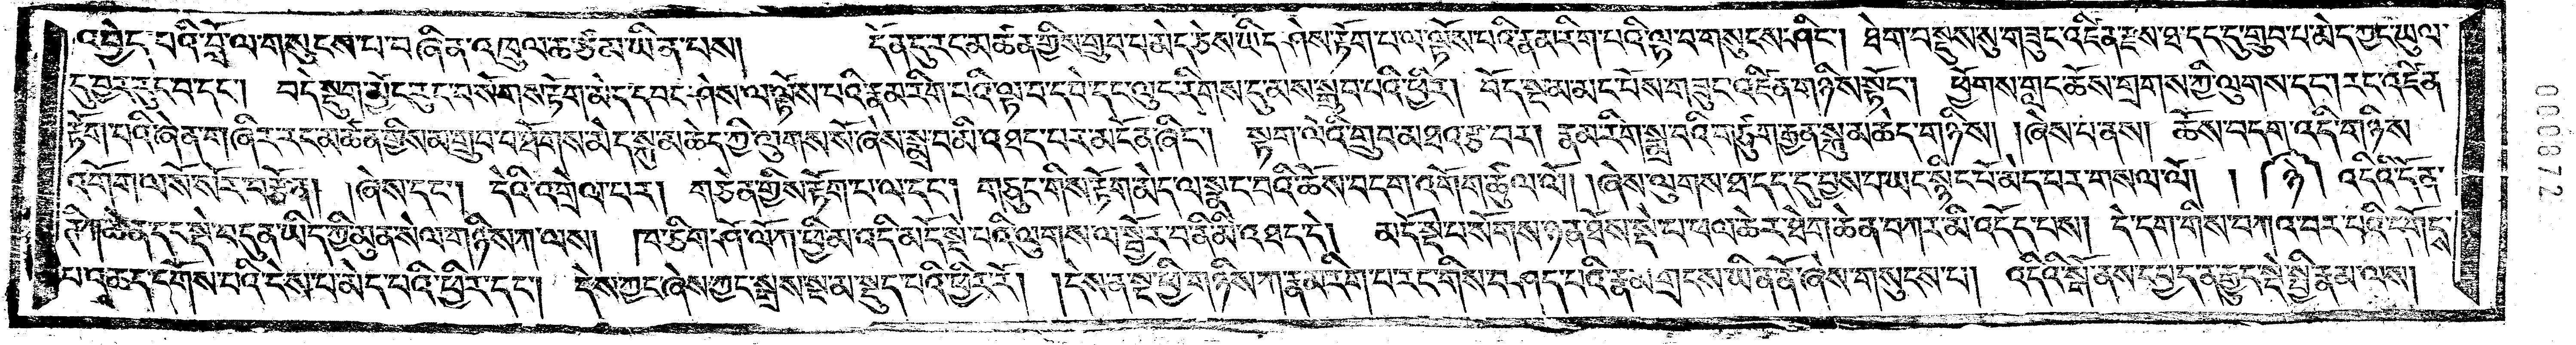འབྱེད་པའི་བློ་ལ་གསུངས་པ་བཞིན་འཁྲུལ་ཆ་ཙམ་ཡིན་པས། དོན་དུ་རང་མཚན་གྱིས་གྲུབ་པ་མེད་ཅེས་ཡིད་ཤེས་རྟོག་པ་ལ་ལྟོས་པའི་རྣམ་རིག་པའི་ལྟ་བ་གསུངས་ཤིང་། ཐེག་བསྡུས་སུ་གཟུང་འཛིན་རྫས་ཐ་དད་དུ་གྲུབ་པ་མེད་ཀྱང་ཡུལ་
དུ་བྱར་རུང་བ་དང་། བདེ་སྡུག་མྱོང་རུང་བ་སོགས་རྟོག་མེད་དབང་ཤེས་ལ་ལྟོས་པའི་རྣམ་རིག་པའི་ལྟ་བ་དཔེ་དང་ལུང་རིགས་དུ་མས་སྒྲུབ་པའི་ཕྱིར། བོད་སྔ་མ་མང་པོས་གཟུང་འཛིན་གཉིས་སྟོང་། ཕྱོགས་གླང་ཆོས་གྲགས་ཀྱི་ལུགས་དང་། རང་འཛིན་
རྟོག་པའི་ཞེན་གཞིར་རང་མཚན་གྱིས་མ་གྲུབ་པ་ཐོགས་མེད་སྐུ་མཆེད་ཀྱི་ལུགས་སོ་ཞེས་སྨྲ་བ་མི་འཐད་པར་མངོན་ཞིང་། སྟག་ལོའི་གྲུབ་མཐའ་རྩ་བར། རྣམ་རིག་སྨྲ་བའི་གཙུག་རྒྱན་སྐུ་མཆེད་གཉིས། །ཞེས་པ་ནས། ཆོས་བདག་འདི་གཉིས་
འགོག་ལ་སོ་སོར་བརྩོན། །ཞེས་དང་། དེའི་འགྲེལ་པར། གཅེན་གྱིས་རྟོག་པ་ལ་དང་། གཅུང་གིས་རྟོག་མེད་ལ་སྣང་བའི་ཆོས་བདག་འགོག་ཚུལ་ལོ། །ཞེས་ལུགས་ཐ་དད་དུ་བྱས་པ་ཡང་སྙིང་པོ་མེད་པར་གསལ་ལོ། །༼ཉེ༽ འདིའི་དོན་
ཊིཀ་ཆེན་དང་སྡེ་བདུན་ཡིད་ཀྱི་མུན་སེལ་གཉིས་ཀ་ལས། ཁ་ཅིག་ཤོ་ལོ་ཀ་ཕྱི་མ་འདི་མདོ་སྡེ་པའི་ལུགས་ལ་སྦྱོར་བ་ནི་མི་འཐད་དེ། མདོ་སྡེ་པ་སོགས་ཉན་ཐོས་སྡེ་པ་ཕལ་ཆེར་ཐེག་ཆེན་བཀར་མི་འདོད་པས། དེ་དག་གིས་བཀའ་བར་པའི་དགོངས་
པ་འཆད་དགོས་པའི་ངེས་པ་མེད་པའི་ཕྱིར་དང་། དེས་ཀྱང་ཞེས་ཀྱང་སྒྲས་སྔ་མ་སྡུད་པའི་ཕྱིར་རོ། །དེས་ན་སྔ་ཕྱི་གཉིས་ཀ་རྣམ་རིག་པ་རང་གིས་བཤད་པའི་རྣམ་གྲངས་ཡིན་ནོ་ཞེས་གསུངས་པ། འདིའི་སྒོ་ནས་དཔྱད་ན་རྒྱུད་སྡེ་སྤྱི་རྣམ་ལས།